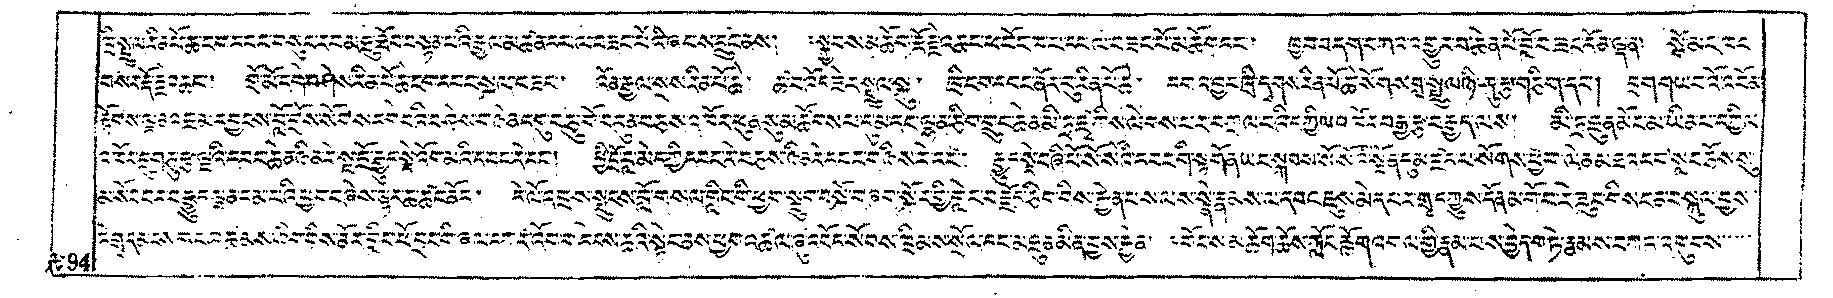ཁྲི་སྤྲུལ་རིན་པོ་ཆེ་ངག་དབང་གསུང་རབ་མཐུ་ཐོབ་བསྟན་པའི་རྒྱལ་མཚན་དཔལ་བཟང་པོའི་ཞབས་དྲུང་ནས། ༧སྐྱབས་མཆོག་རྡོ་རྗེ་འཆང་ཕ་བོང་ཁ་པ་དཔལ་བཟང་པོ་མཆོག་དང་། ཁྱབ་བདག་བཀའ་འགྱུར་བ་ཆེན་པོ་བློ་བཟང་དོན་ལྡན། སྒོ་མང་ཁང་
གསར་རྡོ་རྗེ་འཆང་། གྲོ་མོ་དགེ་བཤེས་རིན་པོ་ཆེ་ངག་དབང་སྐལ་བཟང་། འོན་རྒྱལ་སྲས་རིན་པོ་ཆེ། ཚ་བ་འོད་ཟེར་སྤྲུལ་སྐུ། ཁྲི་ངག་དབང་ནོར་བུ་རིན་པོ་ཆེ། དགའ་བྱང་ཁྲི་དྭགས་རིན་པོ་ཆེ་སོགས་བླ་སྤྲུལ་ཉི་ཤུ་རྩ་གཅིག་དང་། བྲག་གཡབ་འོ་འབོམ་
རྟོགས་ལྡན་འཇམ་དབྱངས་བློ་གྲོས་སོགས་དགེ་བའི་བཤེས་གཉེན་དགུ་བཅུ་གོ་བདུན་བཅས་འཁོར་ཕུན་སུམ་ཚོགས་པ་དུ་མ་དང་ལྷན་ཅིག་གྲུབ་ཆེན་མི་ཏྲ་ཛྭ་ཀིས་ལེགས་པར་བཀྲལ་བའི་དཀྱིལ་འཁོར་བརྒྱ་རྩ་བརྒྱད་ལས། མི་ཏྲ་ཐུན་མོང་མ་ཡིན་པ་དཀྱིལ་
འཁོར་དྲུག་ཅུ་རྩ་ལྔའི་དབང་ཆེན་ཉིན་རེ་སྔ་དྲོ་རྒྱུད་སྡེ་འོག་མའི་དབང་རེ་དང་། ཕྱི་དྲོ་བླ་མེད་ཀྱི་དབང་རེ་བཅས་ཉིན་རེ་དབང་གཉིས་རེ་དང་། རྒྱུད་སྡེ་བཞི་པོ་སོ་སོའི་དབང་གི་སྟ་གོན་ཡང་སྐབས་སོ་སོའི་སྔོན་དུ་མཛད་པ་སོགས་ཕྱག་ལེན་མཐའ་དག་སླ་བཅོས་སུ་
མ་སོང་བར་བརྒྱུད་ལྡན་དམ་པའི་ཕྱག་བཞེས་ལྟར་ཆ་ཚང་ནོད། དེ་ལོ་འབྲས་སྤུངས་བློ་གསལ་གླིང་གི་ཕྱག་སྦུག་བསྐོ་གཞག་སྐོར་གྱི་གླེང་བརྗོད་ཅིག་གིས་རྐྱེན་པས་ལས་སྣེ་རྣམས་ལ་དབང་ཇུས་མེད་པར་གྲྭ་དཀྱུས་དོན་མ་གོ་བ་རེ་ཟུང་གིས་ངན་བསྐུལ་བྱས་
ཏེ་གྲྭ་དམངས་གང་འཚམས་ཤིག་གིས་ནོར་གླིང་ཕོ་བྲང་གི་ཞལ་དཀར་འོག་གདེངས་ཆའི་སྟེང་ནས་ཕྱག་འཚལ་ཞུ་འབོད་སོགས་ཁྲིམས་སྲོལ་དང་མཐུན་མིན་བྱས་རྐྱེན། ༧གོང་ས་མཆོག་ཆོས་ཀློང་རྙོག་འགལ་གྱི་རྣམ་པས་བྱེད་གཏེ་རྣམས་བཀའ་འགུགས་